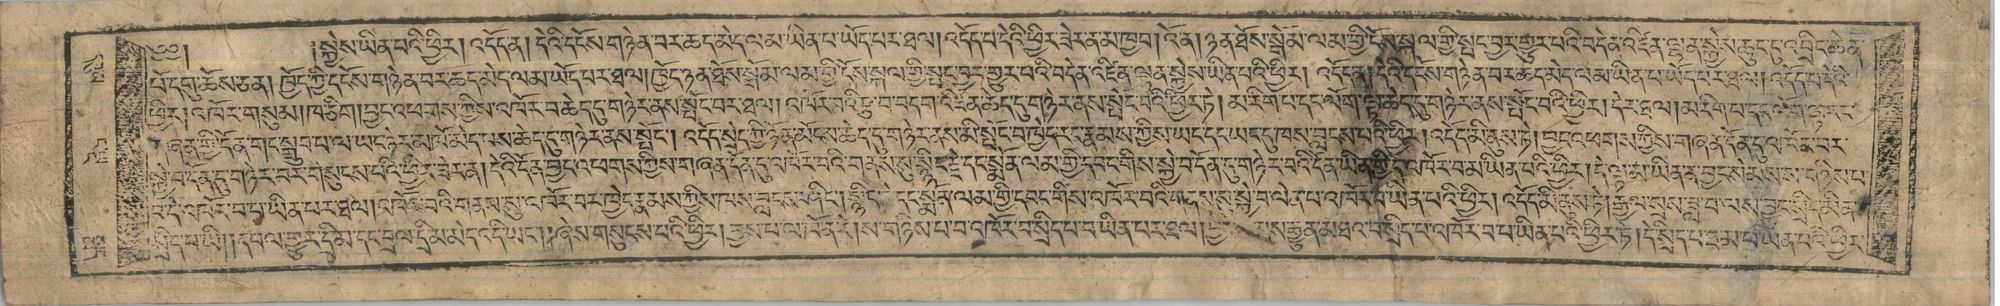༄༅། །སྐྱེས་ཡིན་པའི་ཕྱིར། འདོད་ན། དེའི་དངོས་གཉེན་པར་ཆད་མེད་ལམ་ཡིན་པ་ཡོད་པར་ཐལ། འདོད་པ་དེའི་ཕྱིར་ཟེར་ན་མ་ཁྱབ། འོ་ན། ཉན་ཐོས་སྒོམ་ལམ་གྱི་ངོས་སྐལ་གྱི་སྤང་བྱར་གྱུར་པའི་བདེན་འཛིན་ལྷན་སྐྱེས་ཆུང་ངུ་འབྲིང་ཆེན་
པོ་དགུ་ཆོས་ཅན། ཁྱོད་ཀྱི་དངོས་གཉེན་བར་ཆད་མེད་ལམ་ཡོད་པར་ཐལ། ཁྱོད་ཉན་ཐོས་སྒོམ་ལམ་གྱི་ངོས་སྐལ་གྱི་སྤང་བྱར་གྱུར་པའི་བདེན་འཛིན་ལྷན་སྐྱེས་ཡིན་པའི་ཕྱིར། འདོད་ན། དེའི་དངོས་གཉེན་བར་ཆད་མེད་ལམ་ཡིན་པ་ཡོད་པར་ཐལ། འདོད་པ་དེའི་
ཕྱིར། འཁོར་གསུམ། ཁ་ཅིག ། བྱང་འཕགས་ཀྱིས་འཁོར་བ་ཆེད་དུ་གཉེར་ནས་སྤོང་བར་ཐལ། འཁོར་བའི་རྩ་བ་བདག་འཛིན་ཆེད་དུ་གཉེར་ནས་སྤོང་བའི་ཕྱིར་ཏེ། མ་རིག་པ་དང་ལོག་ལྟ་ཆེད་དུ་གཉེར་ནས་སྤོང་བའི་ཕྱིར། དེར་ཐལ། མ་རིག་པ་དང་ལོག་ལྟ་རང་
གཞན་གྱི་དོན་གང་སྒྲུབ་པ་ལ་ཡང་ཉེར་མཁོ་མེད་པས་ཆེད་དུ་གཉེར་ནས་སྤོང་། འདོད་སྲེད་ཀྱི་ཉོན་མོངས་ཆེད་དུ་གཉེར་ནས་མི་སྤོང་བ་ཁྱེད་རང་རྣམས་ཀྱིས་ཡང་དང་ཡང་དུ་ཁས་བླངས་པའི་ཕྱིར། འདོད་མི་ནུས་ཏེ། བྱང་འཕགས་ཀྱིས་གཞན་དོན་དུ་འཁོར་བར་
སྐྱེ་བ་དོན་དུ་གཉེར་བར་གསུངས་པའི་ཕྱིར་ཟེར་ན། དེའི་དོན་བྱང་འཕགས་ཀྱིས་གཞན་དོན་དུ་འཁོར་བའི་གནས་སུ་སྙིང་རྗེ་དང་སྨོན་ལམ་གྱི་དབང་གིས་སྐྱེ་བ་དོན་དུ་གཉེར་བའི་དོན་ཡིན་གྱི་དེ་འཁོར་བ་མ་ཡིན་པའི་ཕྱིར། དེ་ལྟ་མ་ཡིན་ན་བྱང་སེམས་ས་གཉིས་པ་
བ་དེ་འཁོར་བ་པ་ཡིན་པར་ཐལ། འཁོར་བའི་གནས་སུ་འཁོར་བར་ཁྱེད་རྣམས་ཀྱིས་ཁས་བླངས་ཤིང་། སྙིང་རྗེ་དང་སྨོན་ལམ་གྱི་དབང་གིས་འཁོར་བའི་གནས་སུ་སྐྱེ་བ་ལེན་པ་འཁོར་བ་ཡིན་པའི་ཕྱིར། འདོད་མི་ནུས་ཏེ། རྒྱལ་སྲས་ཟླ་བ་ལས་བྱུང་སྲིད་མིན་
སྲིད་པ་ཡི། །དཔལ་གྱུར་དྲི་མ་དང་བྲལ་དྲི་མ་མེད་འདི་ཡང་། །ཞེས་གསུངས་པའི་ཕྱིར། བྱས་པ་ལ་ཁོ་ན་རེ། ས་གཉིས་པ་བ་འཁོར་བ་སྲིད་པ་བ་ཡིན་པར་ཐལ། བྱང་སེམས་རྒྱུན་མཐའ་བ་སྲིད་པ་འཁོར་བ་པ་ཡིན་པའི་ཕྱིར་ཏེ། དེ་སྲིད་པ་ཐ་མ་པ་ཡིན་པའི་ཕྱིར་